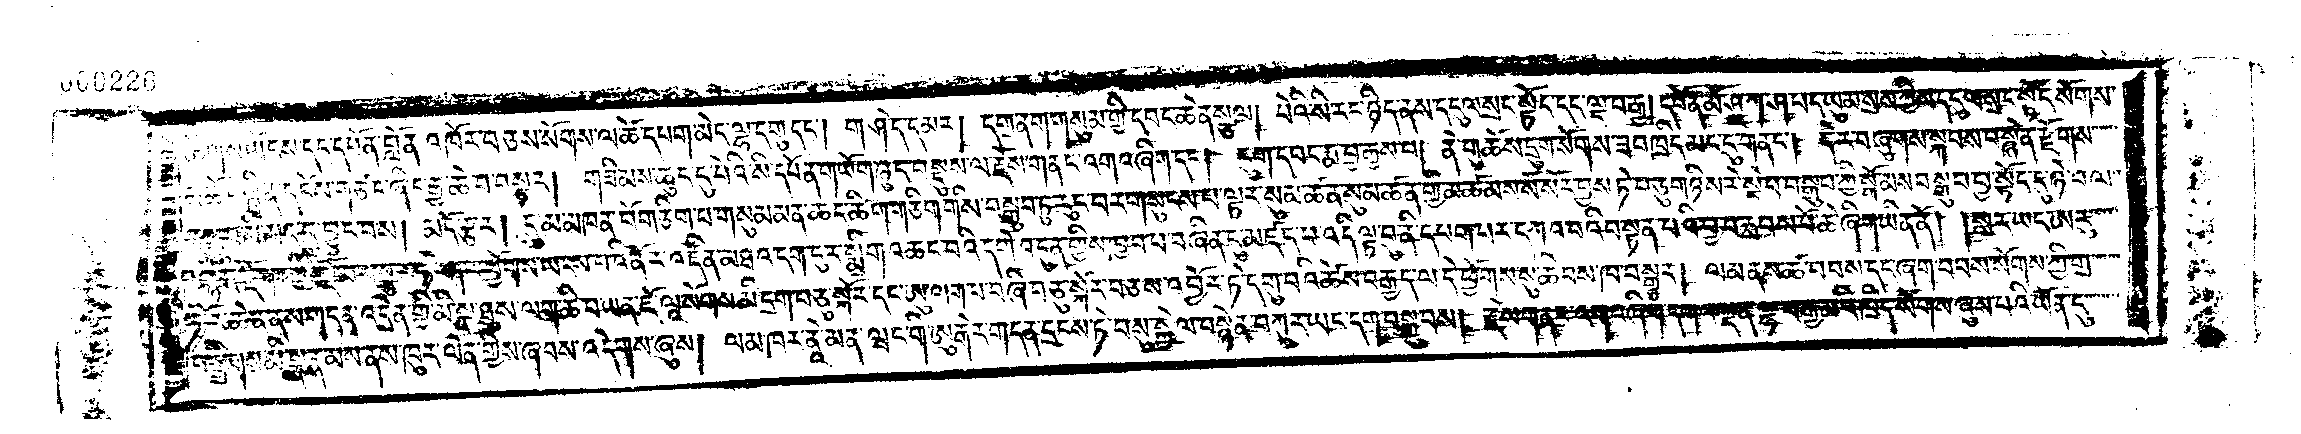ཚོགས་ཡོངས་དང་དཔོན་བློན་འཁོར་བཅས་སོགས་ལ་ཚེ་དཔག་མེད་ལྷ་དགུ་དང་། གཤེད་དམར། དགྲ་ནག་གསུམ་གྱི་དབང་ཆེན་སྩལ། པེའི་སི་རང་ཉིད་ནས་དངུལ་སྲང་སྟོང་དང་ལྔ་བརྒྱ། དཔོན་མོ་ཤཱཀ་ཤ་པད་ཡུམ་སྲས་ཀྱིས་དངུལ་སྲང་སྟོང་སོགས་
མཆོད་སྤྲིན་དངོས་གཙང་ཞིང་རྒྱ་ཆེ་བ་བསྟར། གཟིམས་ཆུང་དུ་པེའི་སི་དཔོན་གཡོག་ཉུང་བསྡུས་ལ་རྗེས་གནང་འགའ་ཞིག་དང་། དུག་དབང་རྨ་བྱ་རྒྱས་པ། ནེ་གུ་ཆོས་དྲུག་སོགས་ཟབ་ཁྲིད་མང་དུ་གནང་། དེར་བཞུགས་སྐབས་བསྙེན་རྫོགས་
བསྒྲུབ་མི་མང་དུ་བྱུང་བས། མདོ་རྩར། དུ་མ་མཁན་པོ་གཅིག་པ་གསུམ་མན་ཆད་ཚིག་གཅིག་གིས་བསྒྲུབ་ཏུ་རུང་བར་གསུངས་པ་ལྟར་སུམ་ཚན་སུམ་ཚན་གྱི་མཚམས་སོ་སོར་བྱས་ཏེ་བཅུ་གཉིས་རེ་སྡེབ་བསྒྲུབ་ཀྱི་སྒོ་ནས་བསྒྲུབ་བྱ་སྟོང་དུ་ཉེ་པ་ལ་
བསྙེན་རྫོགས་ཀྱི་སྡོམ་པ་སྩལ་ཏེ་ཤར་ཕྱོགས་ཡངས་པའི་ནོར་འཛིན་མཐའ་དག་ངུར་སྨྲིག་འཆང་པའི་དགེ་འདུན་གྱིས་ཁྱབ་པ་བཞིན་དུ་མཛད་པ་འདི་ལྟ་བུ་ནི་དཔག་པར་དཀའ་བའི་བསྟན་པའི་བྱ་བ་རླབས་པོ་ཆེ་ཞིག་ཡིན་ནོ། །སླར་ཡང་ཨ་རུ་
ཧོར་ཆེན་ནས་གདན་འདྲེན་གྱི་མི་སྣ་ཐུ་ས་ལག་ཆི་བ་ཡན་ཇོ་ལཱ་སོགས་མི་དྲག་བཅུ་སྐོར་དང་ཨུ་ལག་པ་བཞི་བཅུ་སྐོར་བཅས་འབྱོར་ཏེ་དགུ་པའི་ཚེས་བརྒྱད་ལ་དེ་ཕྱོགས་སུ་ཆིབས་ཁ་བསྒྱུར། ལམ་ནས་ཚ་བབས་དང་ཞག་བབས་སོགས་ཀྱི་གྲ་
བསྒྲིགས་མི་སྣ་རྣམས་ནས་ཁུར་ལེན་གྱིས་ཞབས་འདེགས་ཞུས། ལམ་ཁར་ནE་མན་ཝང་གི་ཨུརྒེར་གདན་དྲངས་ཏེ་བསུ་སྐྱེལ་བསྙེན་བཀུར་ཡང་དག་བསྒྲུབས། རྗེས་གནང་འགའ་ཞིག་དགའ་ལྡན་ལྷ་བརྒྱ་མའི་ཁྲིད་སོགས་ཞུས་པའི་ཡོན་དུ་